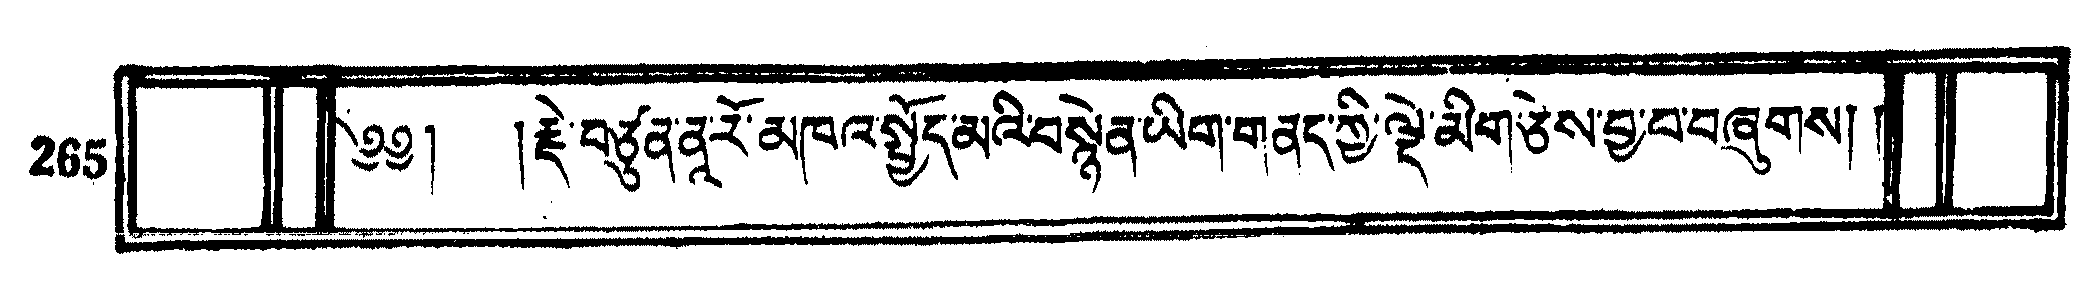༄༅། །རྗེ་བཙུན་ནཱ་རོ་མཁའ་སྤྱོད་མའི་བསྙེན་ཡིག་གནད་ཀྱི་ལྡེ་མིག་ཅེས་བྱ་བ་བཞུགས། །